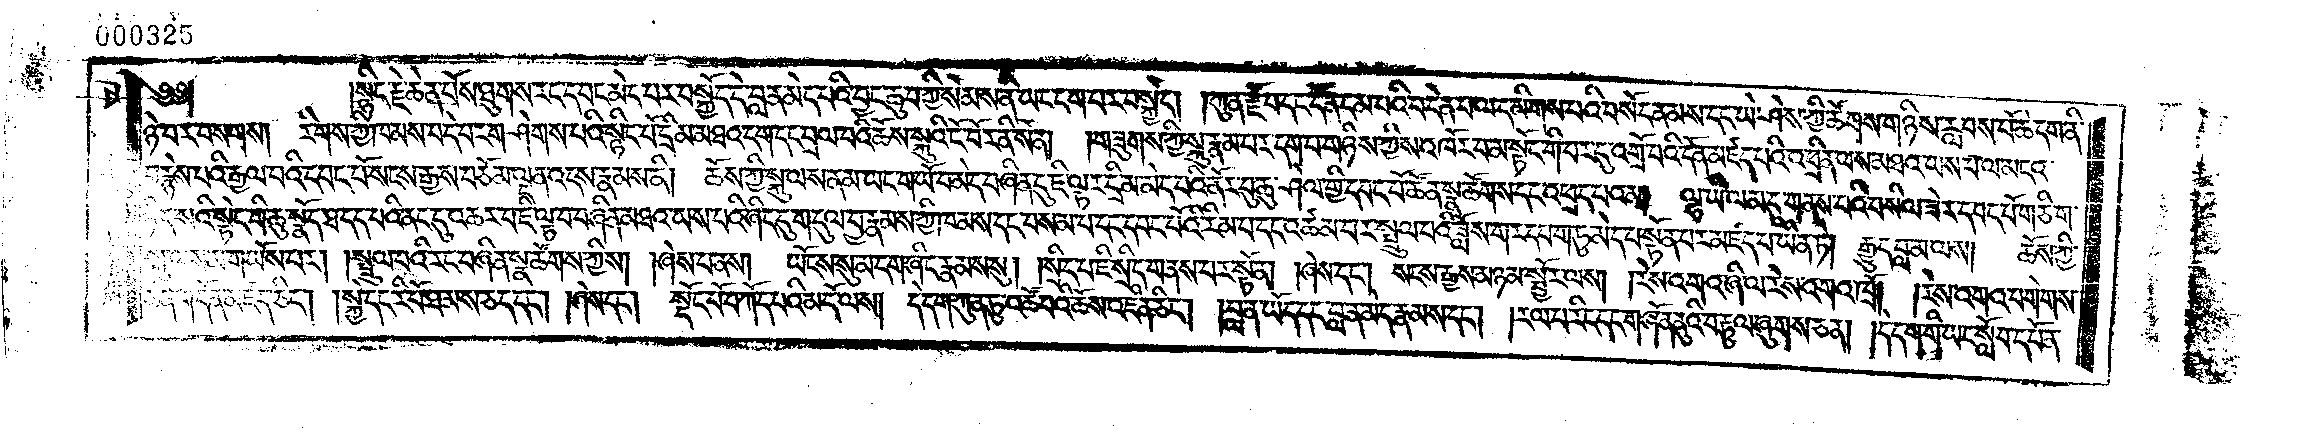༄༅། །སྙིང་རྗེ་ཆེན་པོས་ཐུགས་རང་དབང་མེད་པར་བསྐྱོད་དེ་བླ་ན་མེད་པའི་བྱང་ཆུབ་ཀྱི་སེམས་ནི་ཡང་དག་པར་བསྐྱེད། །ཀུན་རྫོབ་དང་དོན་དམ་པའི་བདེན་བ་ལ་དམིགས་པའི་བསོད་ནམས་དང་ཡེ་ཤེས་ཀྱི་ཚོགས་གཉིས་རླབས་པོ་ཆེ་དག་ནི་
ཉེ་བར་བསགས། རིགས་ཀྱི་ཁམས་བདེ་བར་གཤེགས་པའི་སྙིང་པོ་དྲི་མ་མཐའ་དག་དང་བྲལ་བའི་ཆོས་སྐུའི་ངོ་བོར་ནི་སོན། །གཟུགས་ཀྱི་སྐུ་རྣམ་པར་དག་པ་གཉིས་ཀྱིས་འཁོར་བ་མ་སྟོང་གི་བར་དུ་འགྲོ་བའི་དོན་མཛད་པའི་འཕྲིན་ལས་མཐའ་ཡས་བ་ལ་མངའ་
བརྙེས་པའི་རྒྱལ་བའི་དབང་པོ་སངས་རྒྱས་བཅོམ་ལྡན་འདས་རྣམས་ནི། ཆོས་ཀྱི་སྐུ་ལས་ནམ་ཡང་གཡོ་བ་མེད་བཞིན་དུ་ཇི་ལྟར་དྲི་མ་མེད་པའི་ནོར་བུ་ཆུ་ཤེལ་གྱི་དབང་པོ་ཚོན་སྣ་ཚོགས་དང་འཕྲད་པའམ། ལྷ་ཡི་ལམ་དུ་གནས་བའི་བསིལ་ཟེར་དབང་པོ་གཅིག་
ཉིད་སའི་སྟེང་གི་ཆུ་སྣོད་ཐ་དད་པའི་ནང་དུ་འཆར་བ་ཇི་ལྟ་བ་བཞིན་མཐའ་ཡས་པའི་ཞིང་དུ་གདུལ་བྱ་རྣམས་ཀྱི་ཁམས་དང་བསམ་པ་དང་དབང་པོའི་རིམ་པ་དང་འཚམ་བར་སྤྲུལ་བའི་ཟློས་གར་དཔག་ཏུ་མེད་བ་སྟོན་པར་མཛད་པ་ཡིན་ཏེ། རྒྱུད་བླ་མ་ལས། ཆོས་ཀྱི་
སྐུ་ལས་མ་གཡོས་པར། །སྤྲུལ་བའི་རང་བཞིན་སྣ་ཚོགས་ཀྱིས། །ཞེས་པ་ནས། ཡོངས་སུ་མ་དག་ཞིང་རྣམས་སུ། །སྲིད་པ་ཇི་སྲིད་གནས་བར་སྟོན། །ཞེས་དང་། སངས་རྒྱས་མཉམ་སྦྱོར་ལས། །རེས་འགའ་ཞི་ལ་རེས་འགའ་ཁྲོ། །རེས་འགའ་བགེགས་
ཆེན་གདོན་མཛད་ཅིང་། །སྐྱེ་དང་རི་བོ་ཐམས་ཅད་དང་། །ཤེས་དང་། ལྡོང་པོ་???་ལས། དེ་དག་ཀུན་ཏུ་འཚོ་བའི་ཆོས་འཛིན་ཅིང་། །བླ་ན་ཡོད་དང་བླ་ན་མེད་རྣམས་དང་། །རལ་པ་རིང་དང་གཞོན་ནུའི་བརྟུལ་ཞུགས་ཅན། །དེ་དག་གི་ཡང་སློབ་དཔོན་